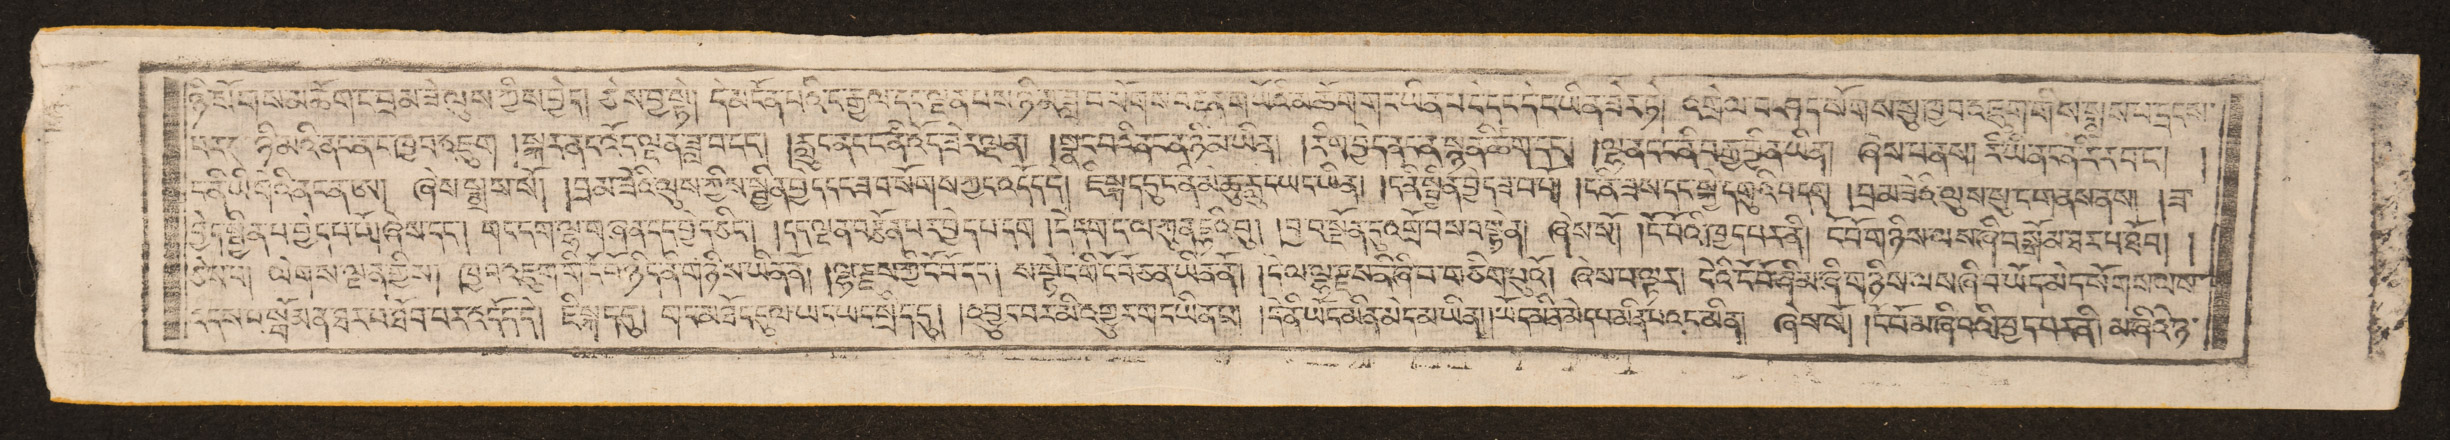ཉི་སོགས་མཆོག་ང་བྲམ་ཟེ་ལུས་ཀྱིས་བྱེད། ཅེས་བྱ་སྟེ། དེ་མངོན་པའི་ང་རྒྱལ་དང་ལྡན་པས་ཉི་མ་ཟླ་བ་སོགས་བརྟན་གཡོའི་མཆོག་གང་ཡིན་པ་དེ་དང་དེང་ཡིན་ཟེར་ཏེ། འགྲེལ་བཤད་སོགས་སུ་ཁྱབ་འཇུག་གིས་སྨྲས་པ་དྲངས་
པར། ཉི་མའི་ནང་ན་ང་ཁྱབ་འཇུག །སྐར་ནང་འོད་ལྡན་ཟླ་བ་དང་། །རླུང་ནང་ང་ནི་འོད་ཟེར་ལྡན། །སྣང་བའི་ནང་ན་ཉེ་མ་ཡིན། །རིག་བྱེད་ནང་ན་སྙན་ཚིག་དང་། །ལྷ་ན་ངང་ནི་བརྒྱ་བྱིན་ཡིན། ཞེས་པ་ནས། རི་ཡི་ནང་ནི་རི་རབ་ང།།
ང་ནི་ཡི་གེའི་ནང་ན་ཨ། ཞེས་སྨྲས་སོ། །བྲམ་ཟེའི་ལུས་ཀྱིས་སྦྱིན་བྱེད་དང་ཟབ་སོགས་ཀྱང་འདོད་དེ། ཇི་སྐད་དུང་ནི་མེ་ཆུ་རླུང་ཡང་ཡིན། །ད་ནི་སྦྱིན་བྱེད་ཟབ་པོ། །ང་ནི་ཟས་དང་སྐྱེ་དགུའི་བདག །བྲམ་ཟེའི་ལུས་སུ་ད་གནས་ནས། །ཟ་
བྱེད་སྦྱིན་པ་བྱེད་པ་པོ། ཞེས་དང་། གང་དག་ལྷ་གཞན་དང་བྱེད་ཅིང་། །དད་ལྡན་བཅོན་པར་བྱེད་པ་དག །དེ་དག་ང་ལ་ཀུན་དྷའི་བུ། །བྱ་བ་སྔོན་དུ་འགྲོ་བས་བསྟེན། ཞེས་སོ། །ངོ་བོའི་ཁྱད་པར་ནི། ངོ་བོ་གཉིས་ལས་ཞི་བསྒོམ་ཐར་པ་ཐོབ།།
ཅེས་པ། ལེགས་ལྡན་གྱིས། ཁྱབ་འཇུག་གི་ངོ་བོ་ཉིད་ནི་གཉིས་ཡིན་ནོ། །ལྷ་རྫས་ཀྱི་ངོ་བོ་དང་། ས་སྟེང་གི་ངོ་བོ་ཅན་ཡིན་ནོ། །དེ་ལ་ལྷ་རྫས་ནི་ཞིབ་གཅིག་པུའོ། ཞེས་པ་ལྟར། དེའི་ངོ་བོ་ཞི་མ་ཞི་གཉིས་ལས་ཞིབ་ཡོད་མེད་སོགས་ལས་
འདས་པ་སྒོམ་ན་ཐར་པ་ཐོབ་པར་འདོད་དེ། ཇི་སྐད་དུ། གང་མཐོང་དུ་ལ་ཡང་ཡང་སྲིད་དུ། །འབྱུང་བར་མྀ་འགྱུར་གང་ཡིན་པ། །དེ་ནི་ཡོད་མིན་མེད་མ་ཡིན། །ཡོད་མིན་མེད་པ་མིན་པའང་མིན། ཞེས་སོ། །ངོ་བོ་མ་ཞི་བའི་ཁྱད་པར་ནི། མ་ཞིའི་ཉ་